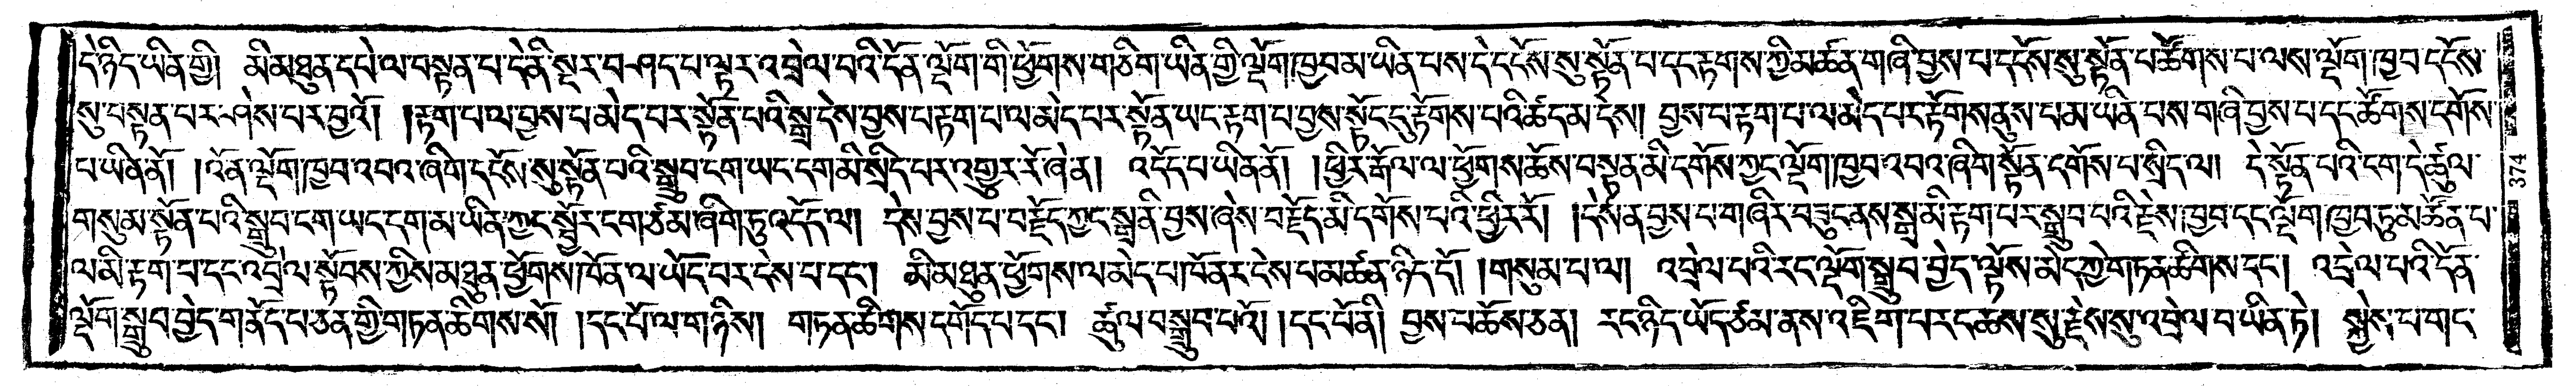དེ་ཉིད་ཡིན་གྱི། མི་མཐུན་དཔེ་ལ་བསྟན་པ་དེ་ནི་སྔར་བཤད་པ་ལྟར་འབྲེལ་པའི་དོན་ལྡོག་གི་ཕྱོགས་གཅིག་ཡིན་གྱི་ལྡོག་ཁྱབ་མ་ཡིན་པས་དེ་དངོས་སུ་སྟོན་པ་དང་རྟགས་ཀྱི་མཚན་གཞི་བྱས་པ་དངོས་སུ་སྟོན་པ་ཚོགས་པ་ལས་ལྡོག་ཁྱབ་དངོས་
སུ་བསྟན་པར་ཤེས་པར་བྱའོ། །རྟག་པ་ལ་བྱས་པ་མེད་པར་སྟོན་པའི་སྒྲ་དེས་བྱས་པ་རྟག་པ་ལ་མེད་པར་སྟོན་ཡང་རྟག་པ་བྱས་སྟོང་དུ་རྟོགས་པའི་ཚད་མ་དེས། བྱས་པ་རྟག་པ་ལ་མེད་པར་རྟོགས་ནུས་པ་མ་ཡིན་པས་གཞི་བྱས་པ་དང་ཚོགས་དགོས་
པ་ཡིན་ནོ། །འོ་ན་ལྡོག་ཁྱབ་འབའ་ཞིག་དངོས་སུ་སྟོན་པའི་སྒྲུབ་ངག་ཡང་དག་མི་སྲིད་པར་འགྱུར་རོ་ཞེ་ན། འདོད་པ་ཡིན་ནོ། །ཕྱིར་རྒོལ་ལ་ཕྱོགས་ཆོས་བསྟན་མི་དགོས་ཀྱང་ལྡོག་ཁྱབ་འབའ་ཞིག་སྟོན་དགོས་པ་སྲིད་ལ། དེ་སྟོན་པའི་ངག་དེ་ཚུལ་
གསུམ་སྟོན་པའི་སྒྲུབ་ངག་ཡང་དག་མ་ཡིན་ཀྱང་སྦྱོར་ངག་ཙམ་ཞིག་ཏུ་འདོད་ལ། དེས་བྱས་པ་བརྗོད་ཀྱང་སྒྲ་ནི་བྱས་ཞེས་བརྗོད་མི་དགོས་པའི་ཕྱིར་རོ། །དེས་ན་བྱས་པ་གཞིར་བཟུང་ནས་སྒྲ་མི་རྟག་པར་སྒྲུབ་པའི་རྗེས་ཁྱབ་དང་ལྡོག་ཁྱབ་ཏུ་མཚོན་པ་
ལ་མི་རྟག་པ་དང་འབྲེལ་སྟོབས་ཀྱིས་མཐུན་ཕྱོགས་ཁོ་ན་ལ་ཡོད་པར་ངེས་པ་དང་། མི་མཐུན་ཕྱོགས་ལ་མེད་པ་ཁོ་ནར་ངེས་པ་མཚན་ཉིད་དོ། །གསུམ་པ་ལ། འབྲེལ་པའི་རང་ལྡོག་སྒྲུབ་བྱེད་ལྟོས་མེད་ཀྱེ་གཏན་ཚིགས་དང་། འབྲེལ་པའི་དོན་
ལྡོག་སྒྲུབ་བྱེད་གནོད་པ་ཅན་གྱི་གཏན་ཚིགས་སོ། །དང་པོ་ལ་གཉིས། གཏན་ཚིགས་དགོད་པ་དང་། ཚུལ་བསྒྲུབ་པའོ། །དང་པོ་ནི། བྱས་པ་ཆོས་ཅན། རང་ཉིད་ཡོད་ཙམ་ནས་འཇིག་པ་རང་ཆས་སུ་རྗེས་སུ་འབྲེལ་པ་ཡིན་ཏེ། སྐྱེས་པ་གང་